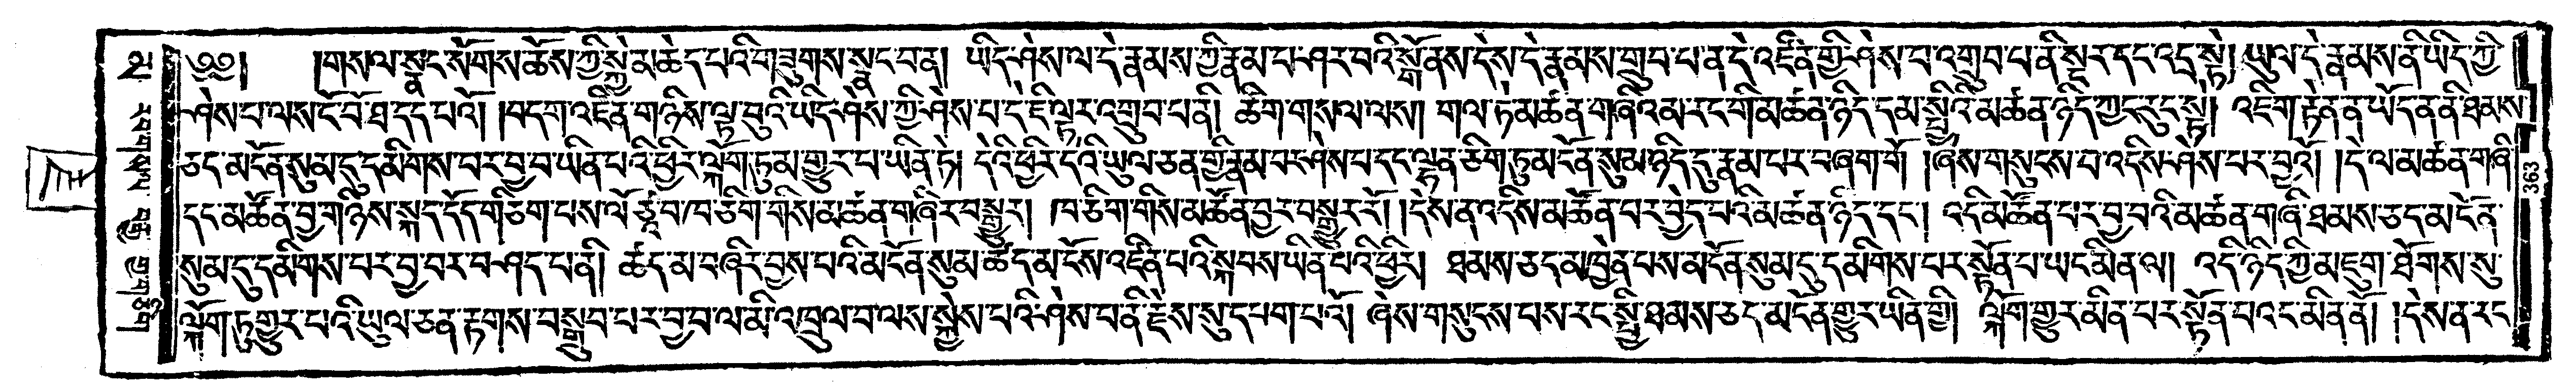༄༅། །གསལ་སྣང་སོགས་ཆོས་ཀྱི་སྐྱེ་མཆེད་པའི་གཟུགས་སྣང་བ་ན། ཡིད་ཤེས་ལ་དེ་རྣམས་ཀྱི་རྣམ་པ་ཤར་བའི་སྒོ་ནས་དེས་དེ་རྣམས་གྲུབ་པ་ན་དེ་འཛིན་གྱི་ཤེས་པ་འགྲུབ་པ་ནི་སྔར་དང་འདྲ་སྟེ། ཡུལ་དེ་རྣམས་ནི་ཡིད་ཀྱི་
ཤེས་པ་ལས་ངོ་བོ་ཐ་དད་པའོ། །བདག་འཛིན་གཉིས་ལྟ་བུའི་ཡིད་ཤེས་ཀྱི་ཤེས་པ་དེ་ཇི་ལྟར་འགྲུབ་པ་ནི། ཚིག་གསལ་ལས། གལ་ཏེ་མཚན་གཞིའམ་རང་གི་མཚན་ཉིད་དམ་སྤྱིའི་མཚན་ཉིད་ཀྱང་རུང་སྟེ། འཇིག་རྟེན་ན་ཡོད་ན་ནི་ཐམས་
ཅད་མངོན་སུམ་དུ་དམིགས་པར་བྱ་བ་ཡིན་པའི་ཕྱིར་ལྐོག་ཏུ་མ་གྱུར་བ་ཡིན་ཏེ། དེའི་ཕྱིར་དེའི་ཡུལ་ཅན་གྱི་རྣམ་པར་ཤེས་པ་དང་ལྷན་ཅིག་ཏུ་མངོན་སུམ་ཉིད་དུ་རྣམ་པར་བཞག་གོ །ཞེས་གསུངས་པ་འདིས་ཤེས་པར་བྱའོ། །དེ་ལ་མཚན་གཞི་
དང་མཚོན་བྱ་གཉིས་སྐད་དོད་གཅིག་པས་ལོ་ཙཱ་བ་ཁ་ཅིག་གིས་མཚན་གཞིར་བསྒྱུར། ཁ་ཅིག་གིས་མཚོན་བྱར་བསྒྱུར་རོ། །དེས་ན་འདིས་མཚོན་པར་བྱེད་པའི་མཚན་ཉིད་དང་། འདི་མཚོན་པར་བྱ་བའི་མཚན་གཞི་ཐམས་ཅད་མངོན་
སུམ་དུ་དམིགས་པར་བྱ་བར་བཤད་པ་ནི། ཚད་མ་བཞིར་བྱས་པའི་མངོན་སུམ་ཚད་མ་ངོས་འཛིན་པའི་སྐབས་ཡིན་པའི་ཕྱིར། ཐམས་ཅད་མཁྱེན་པས་མངོན་སུམ་དུ་དམིགས་པར་སྟོན་པ་ཡང་མིན་ལ། འདི་ཉིད་ཀྱི་མཇུག་ཐོགས་སུ་
ལྐོག་ཏུ་གྱུར་པའི་ཡུལ་ཅན་རྟགས་བསྒྲུབ་པར་བྱ་བ་ལ་མི་འཁྲུལ་བ་ལས་སྐྱེས་པའི་ཤེས་པ་ནི་རྗེས་སུ་དཔག་པའོ། ཞེས་གསུངས་པས་རང་སྤྱི་ཐམས་ཅད་མངོན་གྱུར་ཡིན་གྱི། ལྐོག་གྱུར་མིན་པར་སྟོན་པའང་མིན་ནོ། །དེས་ན་རང་